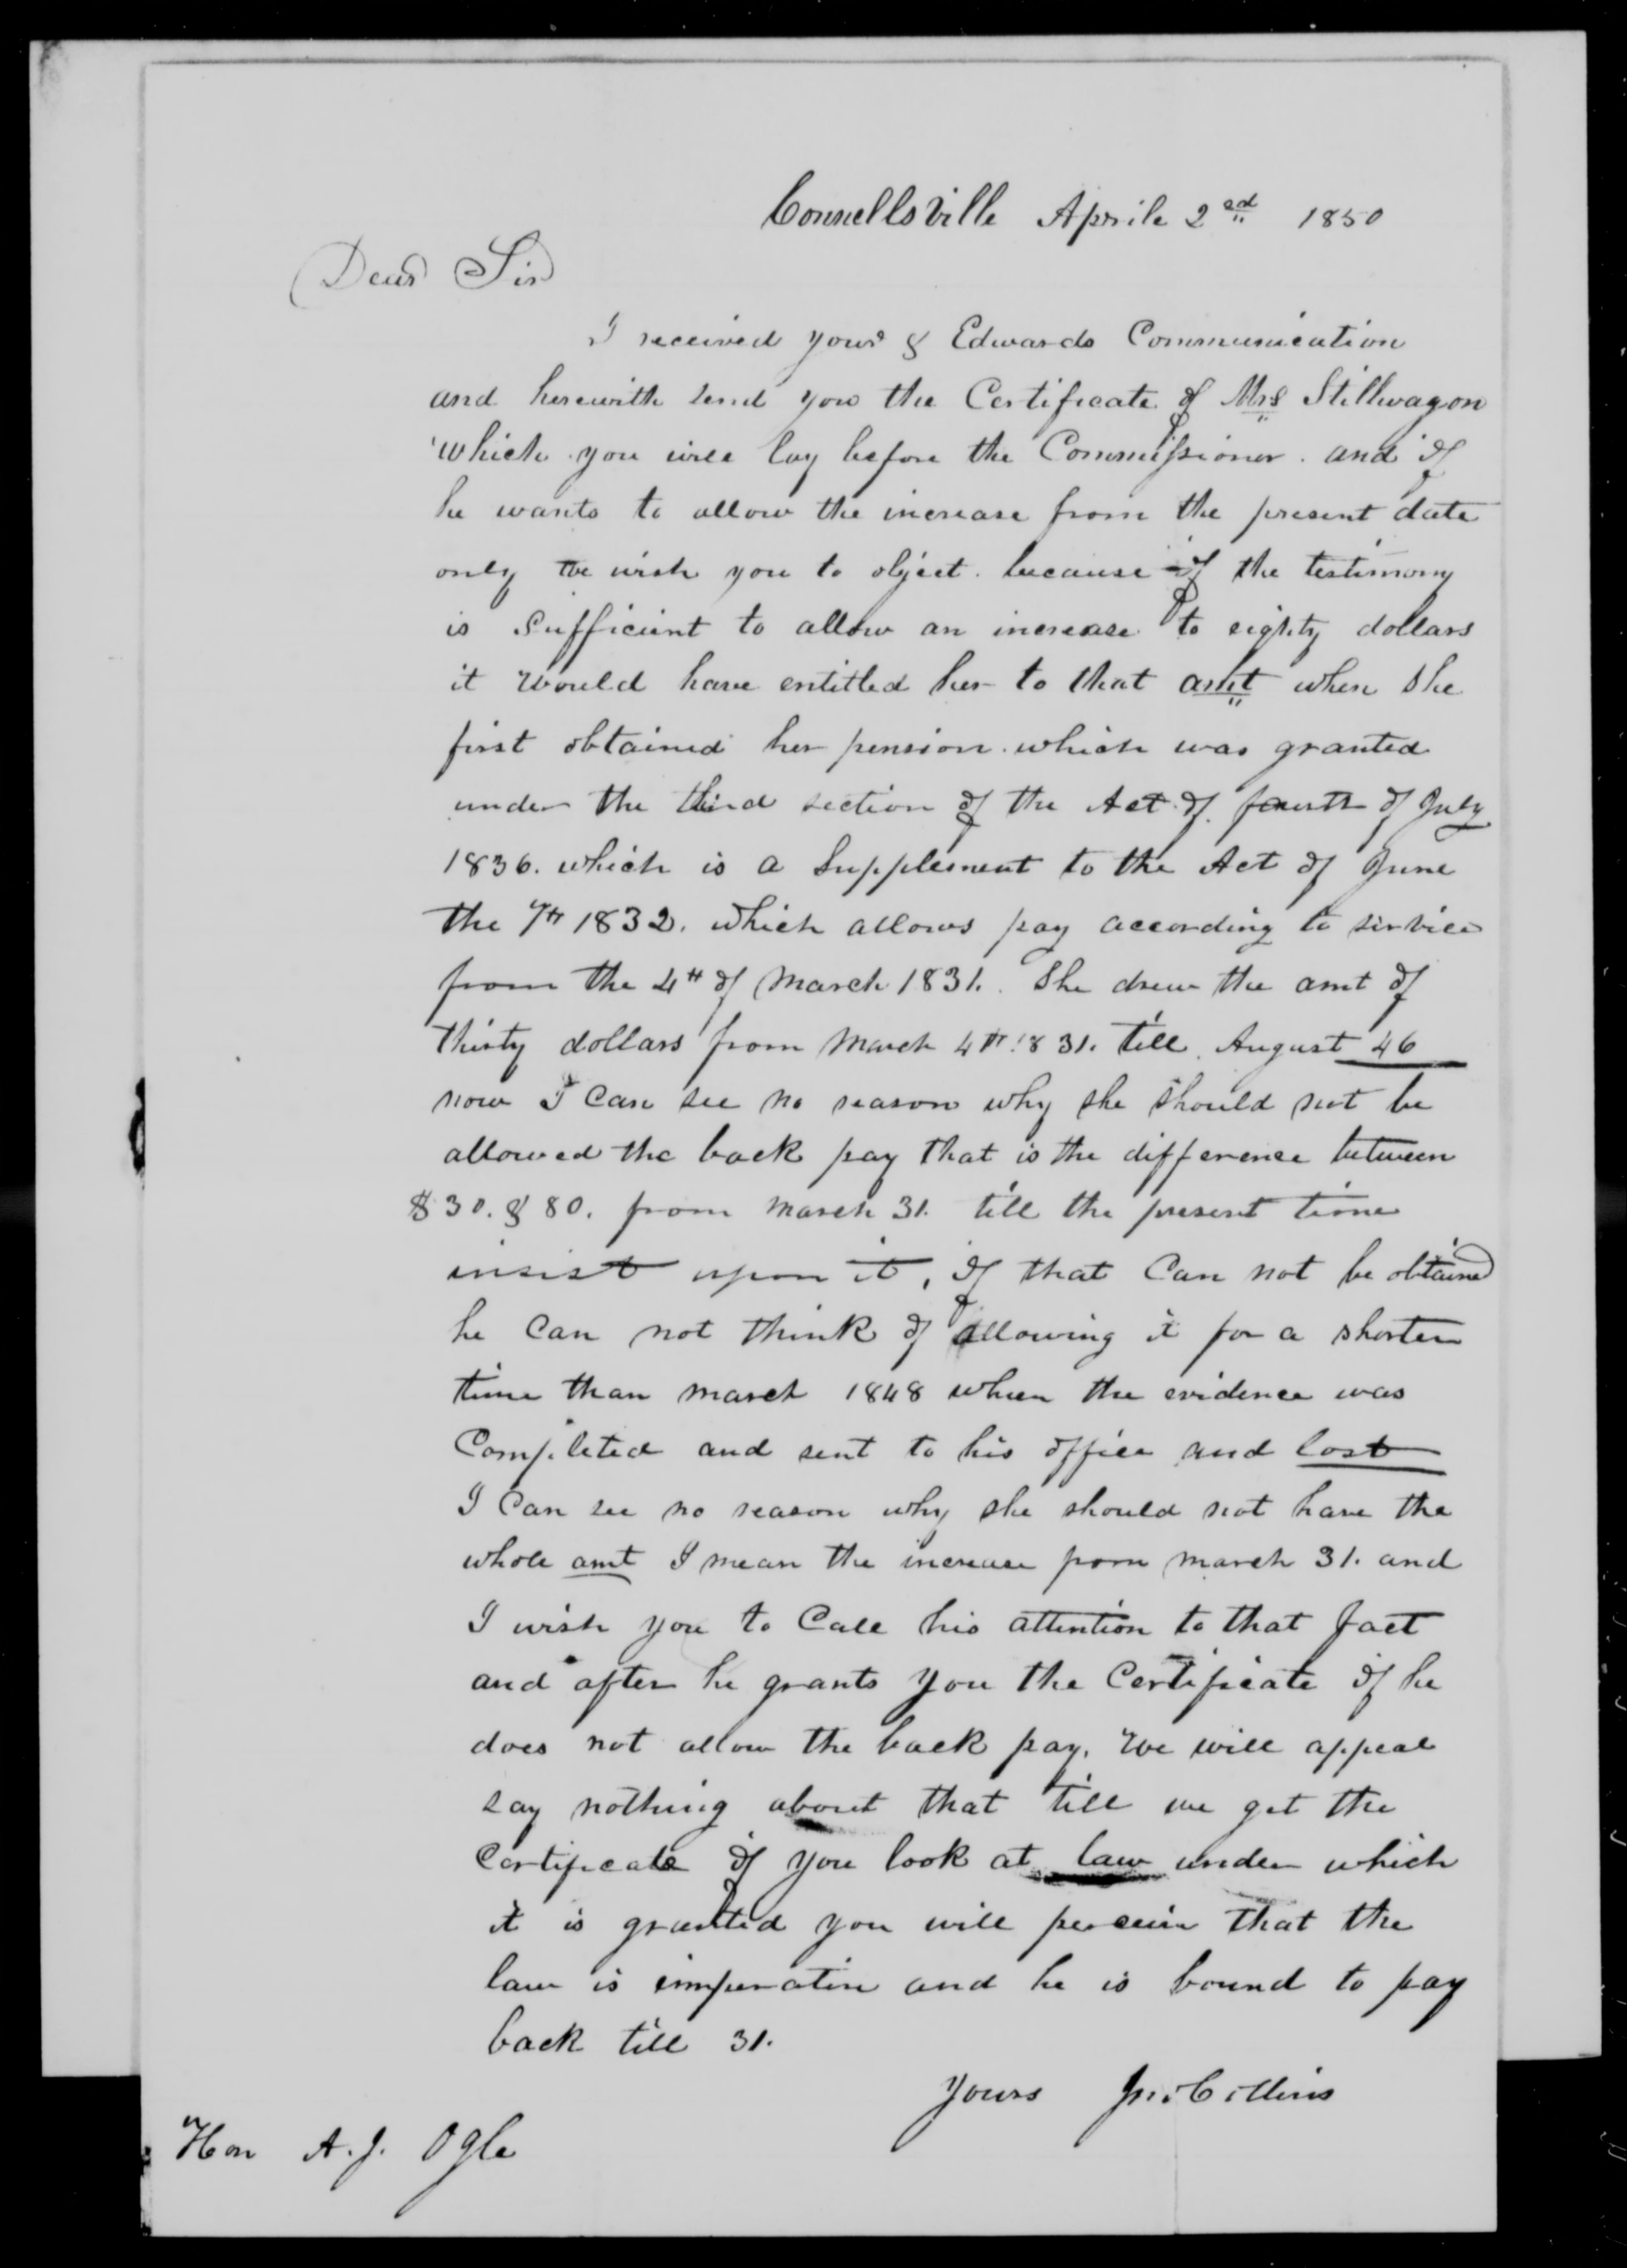Connellsville April 2nd 1850

Dear Sir

I received you & Edwards Communication and herewith send you the Certificate of Mrs. Stillwagon which you will lay before the Commissioner and if he wants to allow the increase from the present date only we wish you to object because of the testimony is sufficient to allow an increase to eighty dollars it would have entitled her to that amt when she first obtained her pension which was granted under the third section of the Act of Fourth of July 1836 which is a Supplement to the Act of June the 7th 1832, which allows pay according to service from the 4th of March 1831. She drew the amt of thirty dollars from March 4th till August 46 now I can see no reason why she should not be allowed the back pay that is the difference between $30 & 80 from March 31 till the present time insist upon it. If that can not be obtained he can not think of allowing it for a shorter time than March 1848 when the evidence was completed and sent to his office and lost. I can see no reason why she should not have the whole amt I mean the increase from March 31 and I wish you to call his attention to that fact and after he grants you the Certificate if he does not allow the back pay. We will appeal say nothing about that till we get this Certificate if you look at law under which it is granted you will perceive that the law is imperative and he is bound to pay back till 31.

Yours
Jno Collins

Hon A. J. Ogle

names: Jno Collins; [BLANK] Edwards; [BLANK] Stillwagon; A J Ogle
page: 62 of 73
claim: widow's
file: W. 3197, for Peter Stillwagon, New Jersey